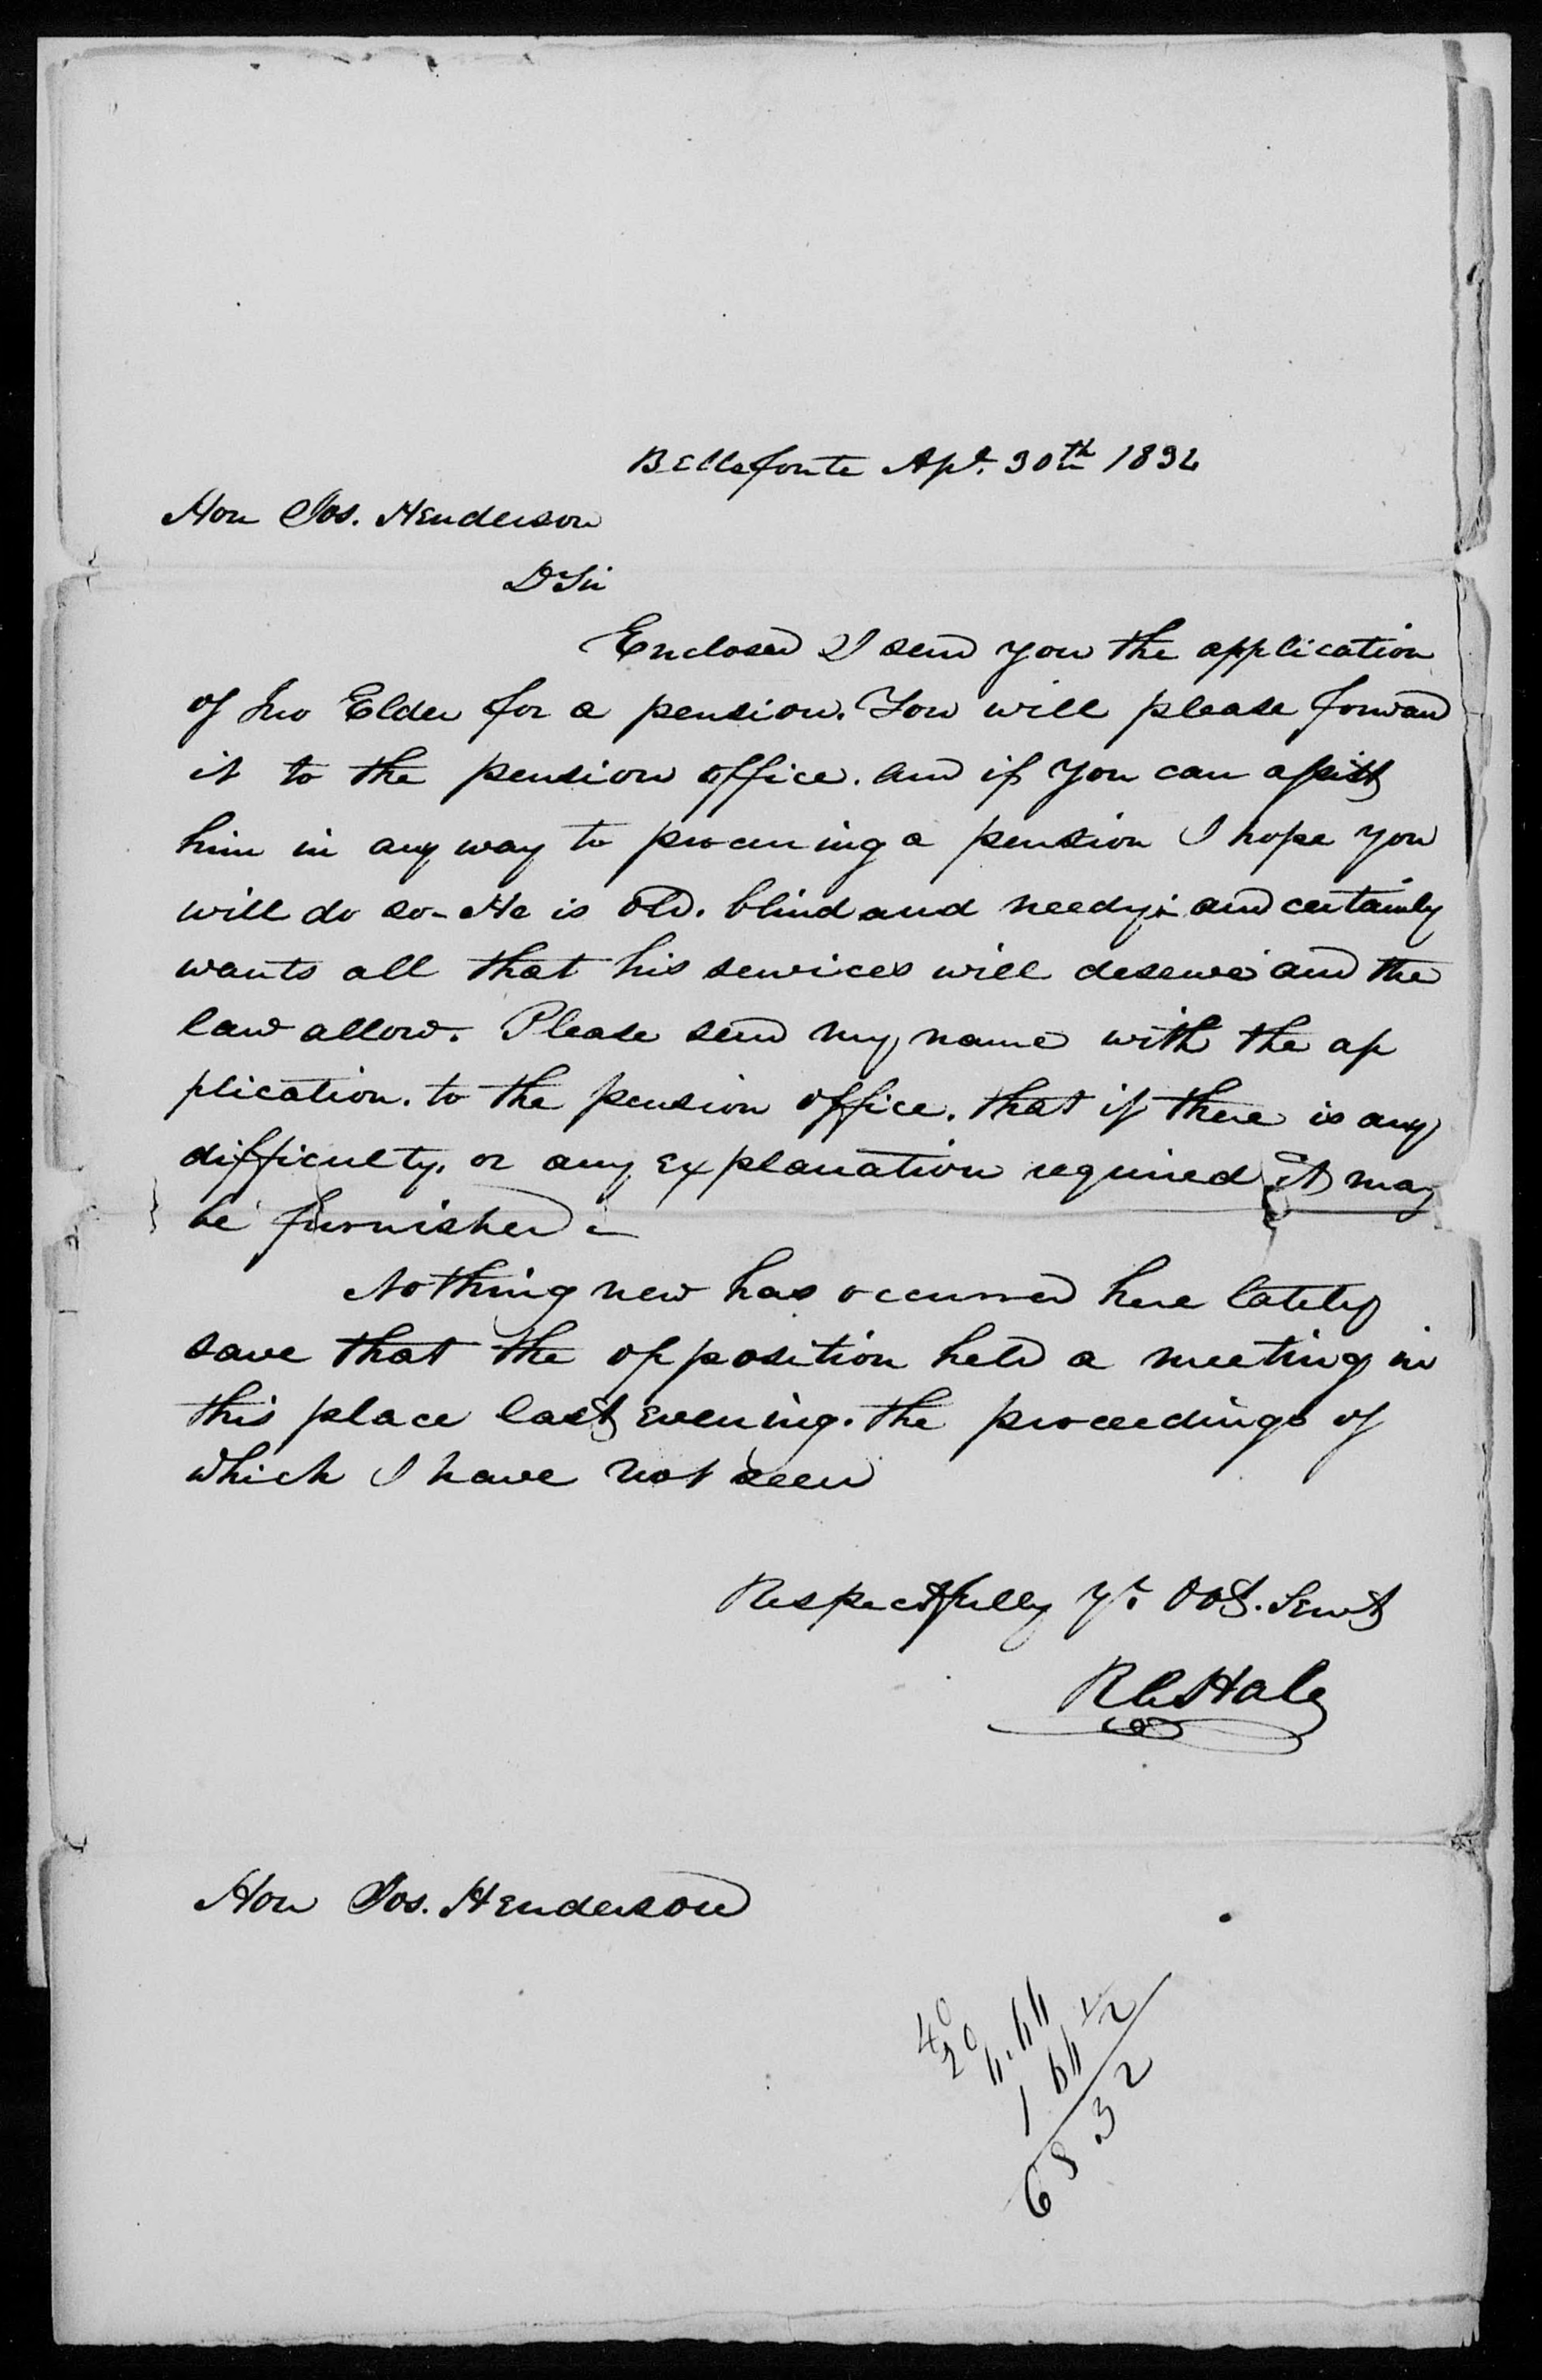Bellafonte Apr. 30th 1832
Hon Jos. Henderson
D Sir,
Enclosed I send you the application
of Jno Elder for a pension.  You will please forward it to the pension office. and if you can assist him in any way to procuring a pension I hope you will do so.  He is old, blind and needy and certainly wants all that his services will deserve and the law allow.  Please send my name with the application to the pension office. that if there is anydifficulty, or any explanation required it may be furnished.
Nothing new has occurred here lately
save that the opposition held a meeting in
this place last evening. the proceedings of
which I have not seen.
Respectfully yr Ob Servant
R C Hale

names: Jos Henderson, R C Hale, Jno Elder, Jos Henderson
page: 29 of 80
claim: widow's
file: W. 24117, John Elder, Penn.